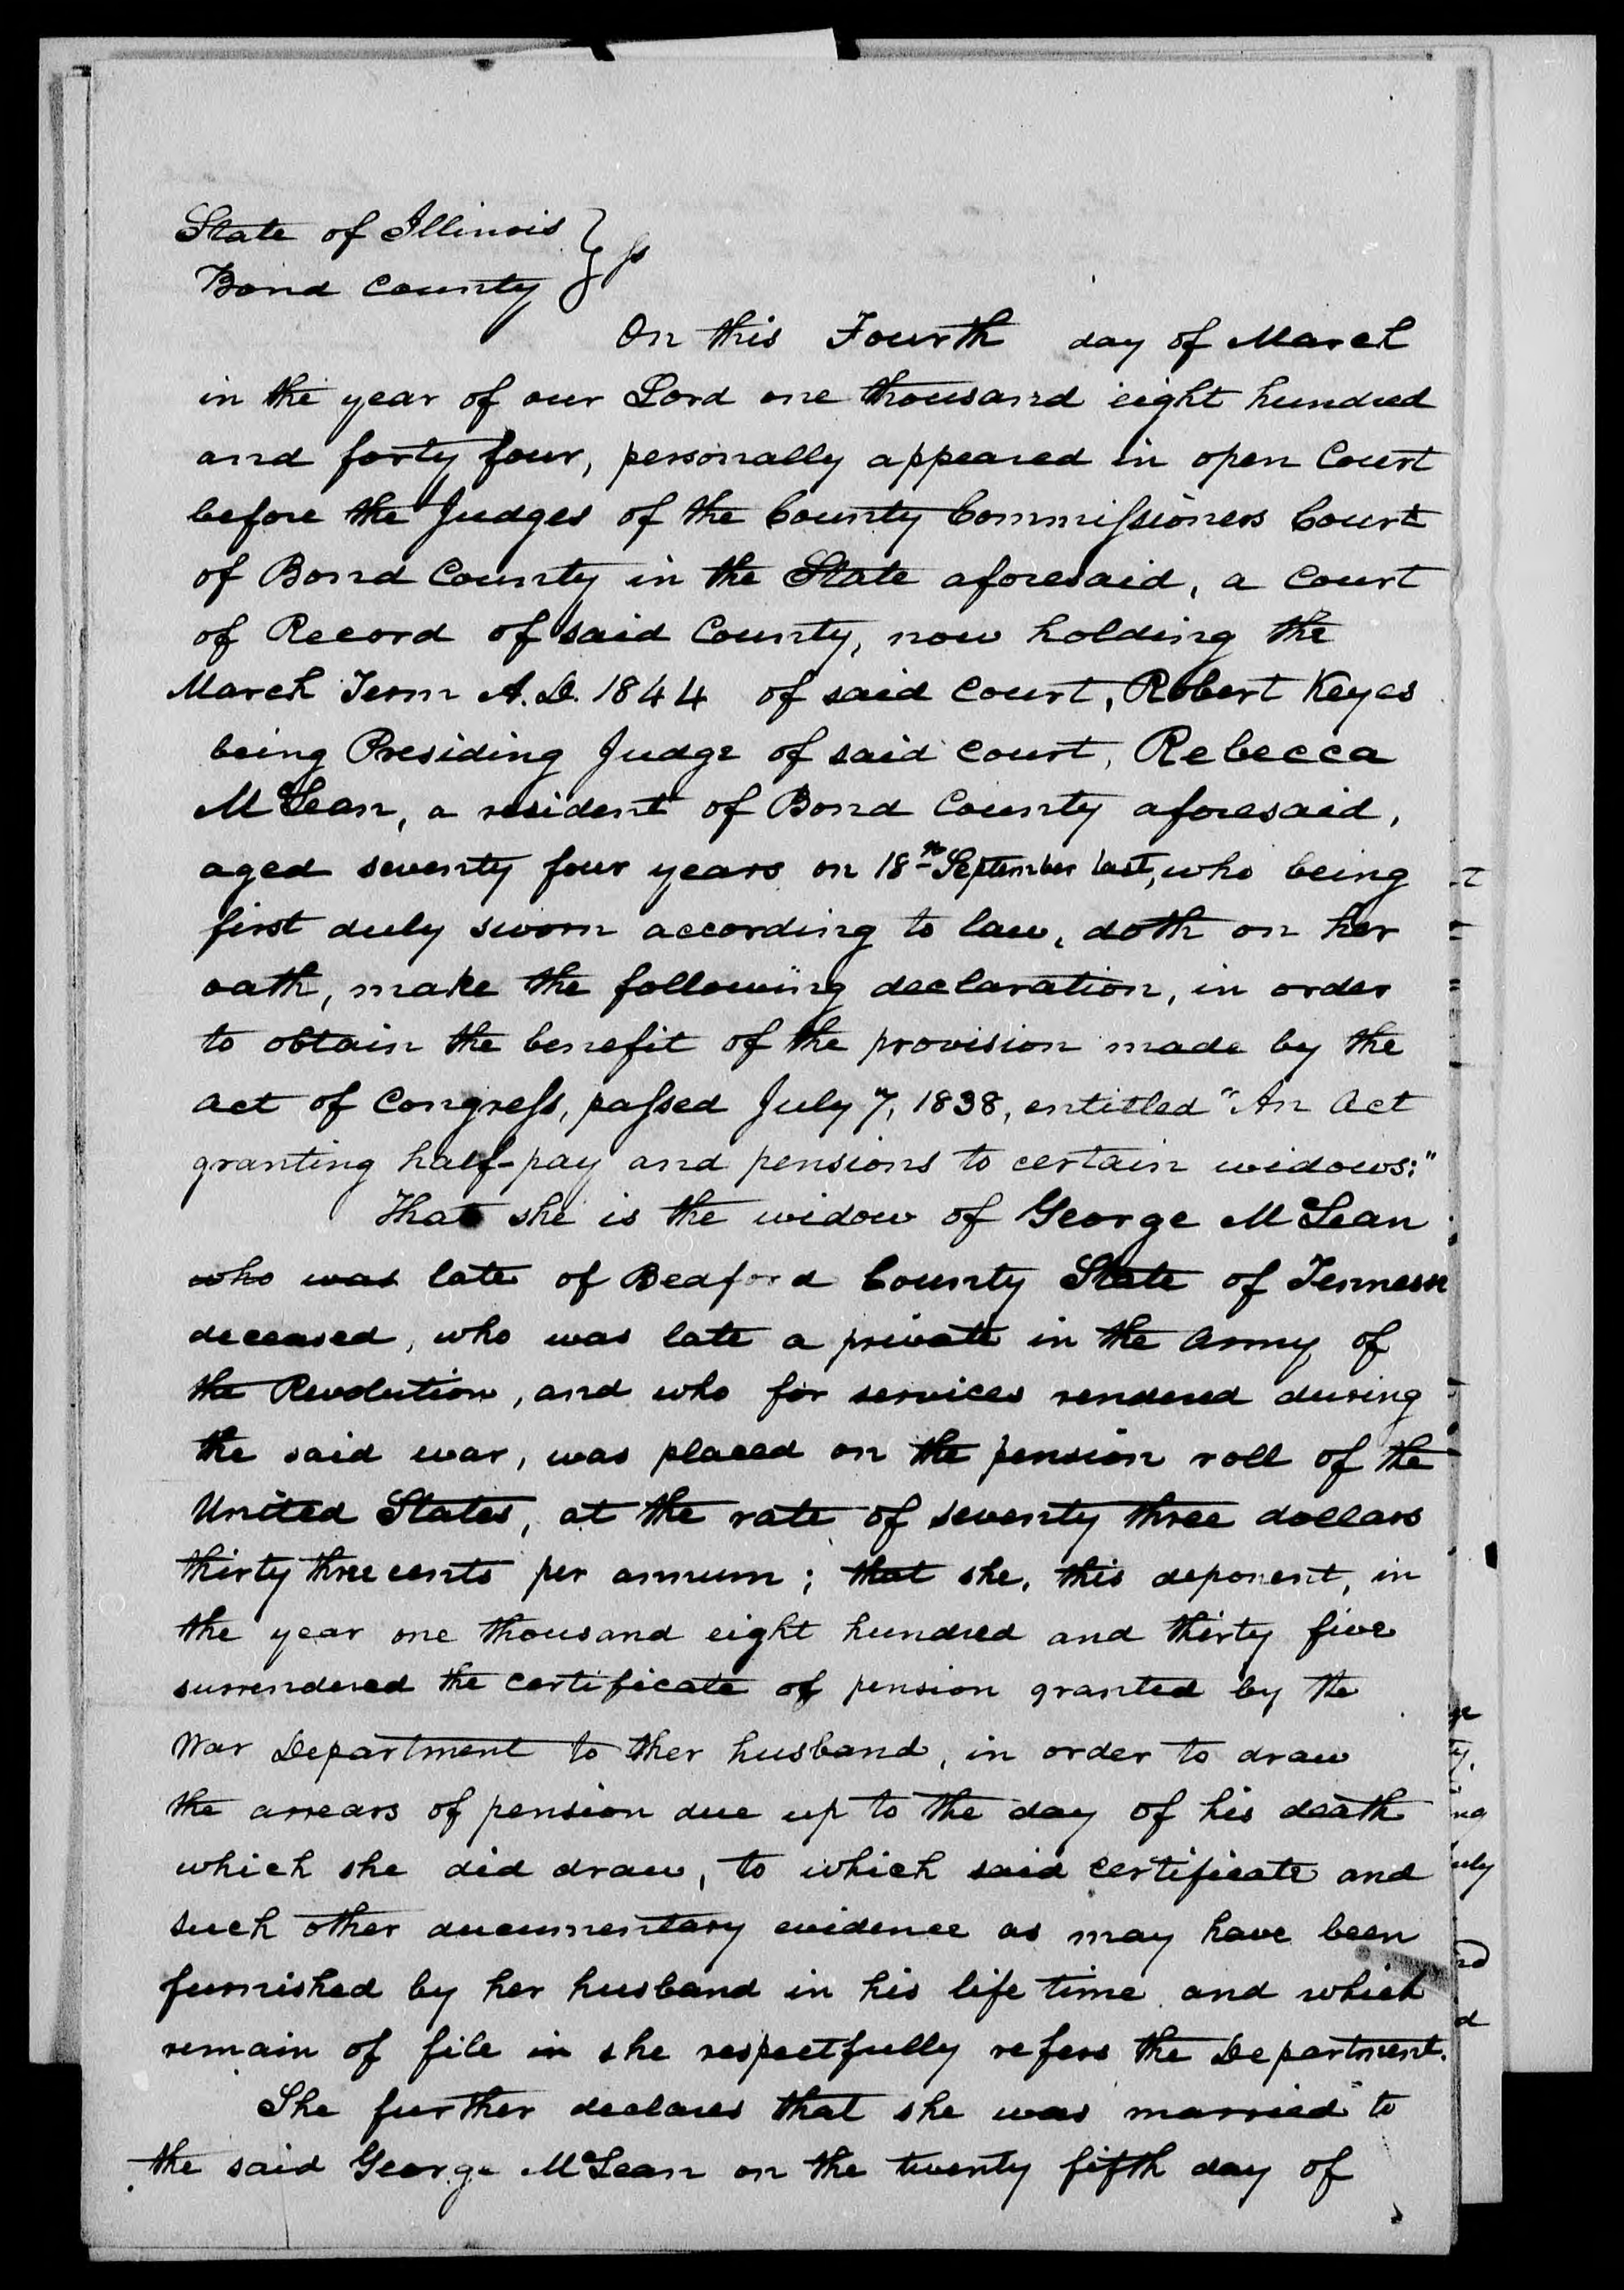State of Illinois}
Bond County} Ss
On this Fourth day of March in the year of our Lord one thousand eight hundred and forty four, personally appeared in open Court before the Judges of the County Commissioners Court of Bond County in the State aforesaid, a Court of Record of said County, now holding the March Term A.D. 1844 of said Court, Robert Keyes being presiding Judge of said Court, Rebecca McLean, a resident of Bond County aforesaid, aged seventy four years on 18th September last, who being first duly sworn according to law, doth on her oath, make the following declaration, in order to obtain the benefit of the provision made by the act of Congress, passed July 7, 1838, entitled "An Act granting half-pay and pensions to certain widows:" 
That she is the widow of George McLean who was late of Bedford County State of Tennessee deceased, who was late a private in the army of the Revolution, and who for services rendered during the said war, was placed on the pension roll of the United States, at the rate of seventy three dollars [and] thirty three cents per annum; that she, this deponent, in the year one thousand eight hundred and thirty five surrendered the certificate of pension granted by the War Department to her husband, in order to draw the arrears of pension due up to the day of his death which she did draw, to which said certificate and such other documentary evidence as may have been furnished by her husband in his life time and which remain of [on] file she respectfully refers the Department. 
She further declares that she was married to the said George McLean on the twenty fifth day of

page: 4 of 67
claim: widow's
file: W. 21793, for George Mc Lain, North Carolina